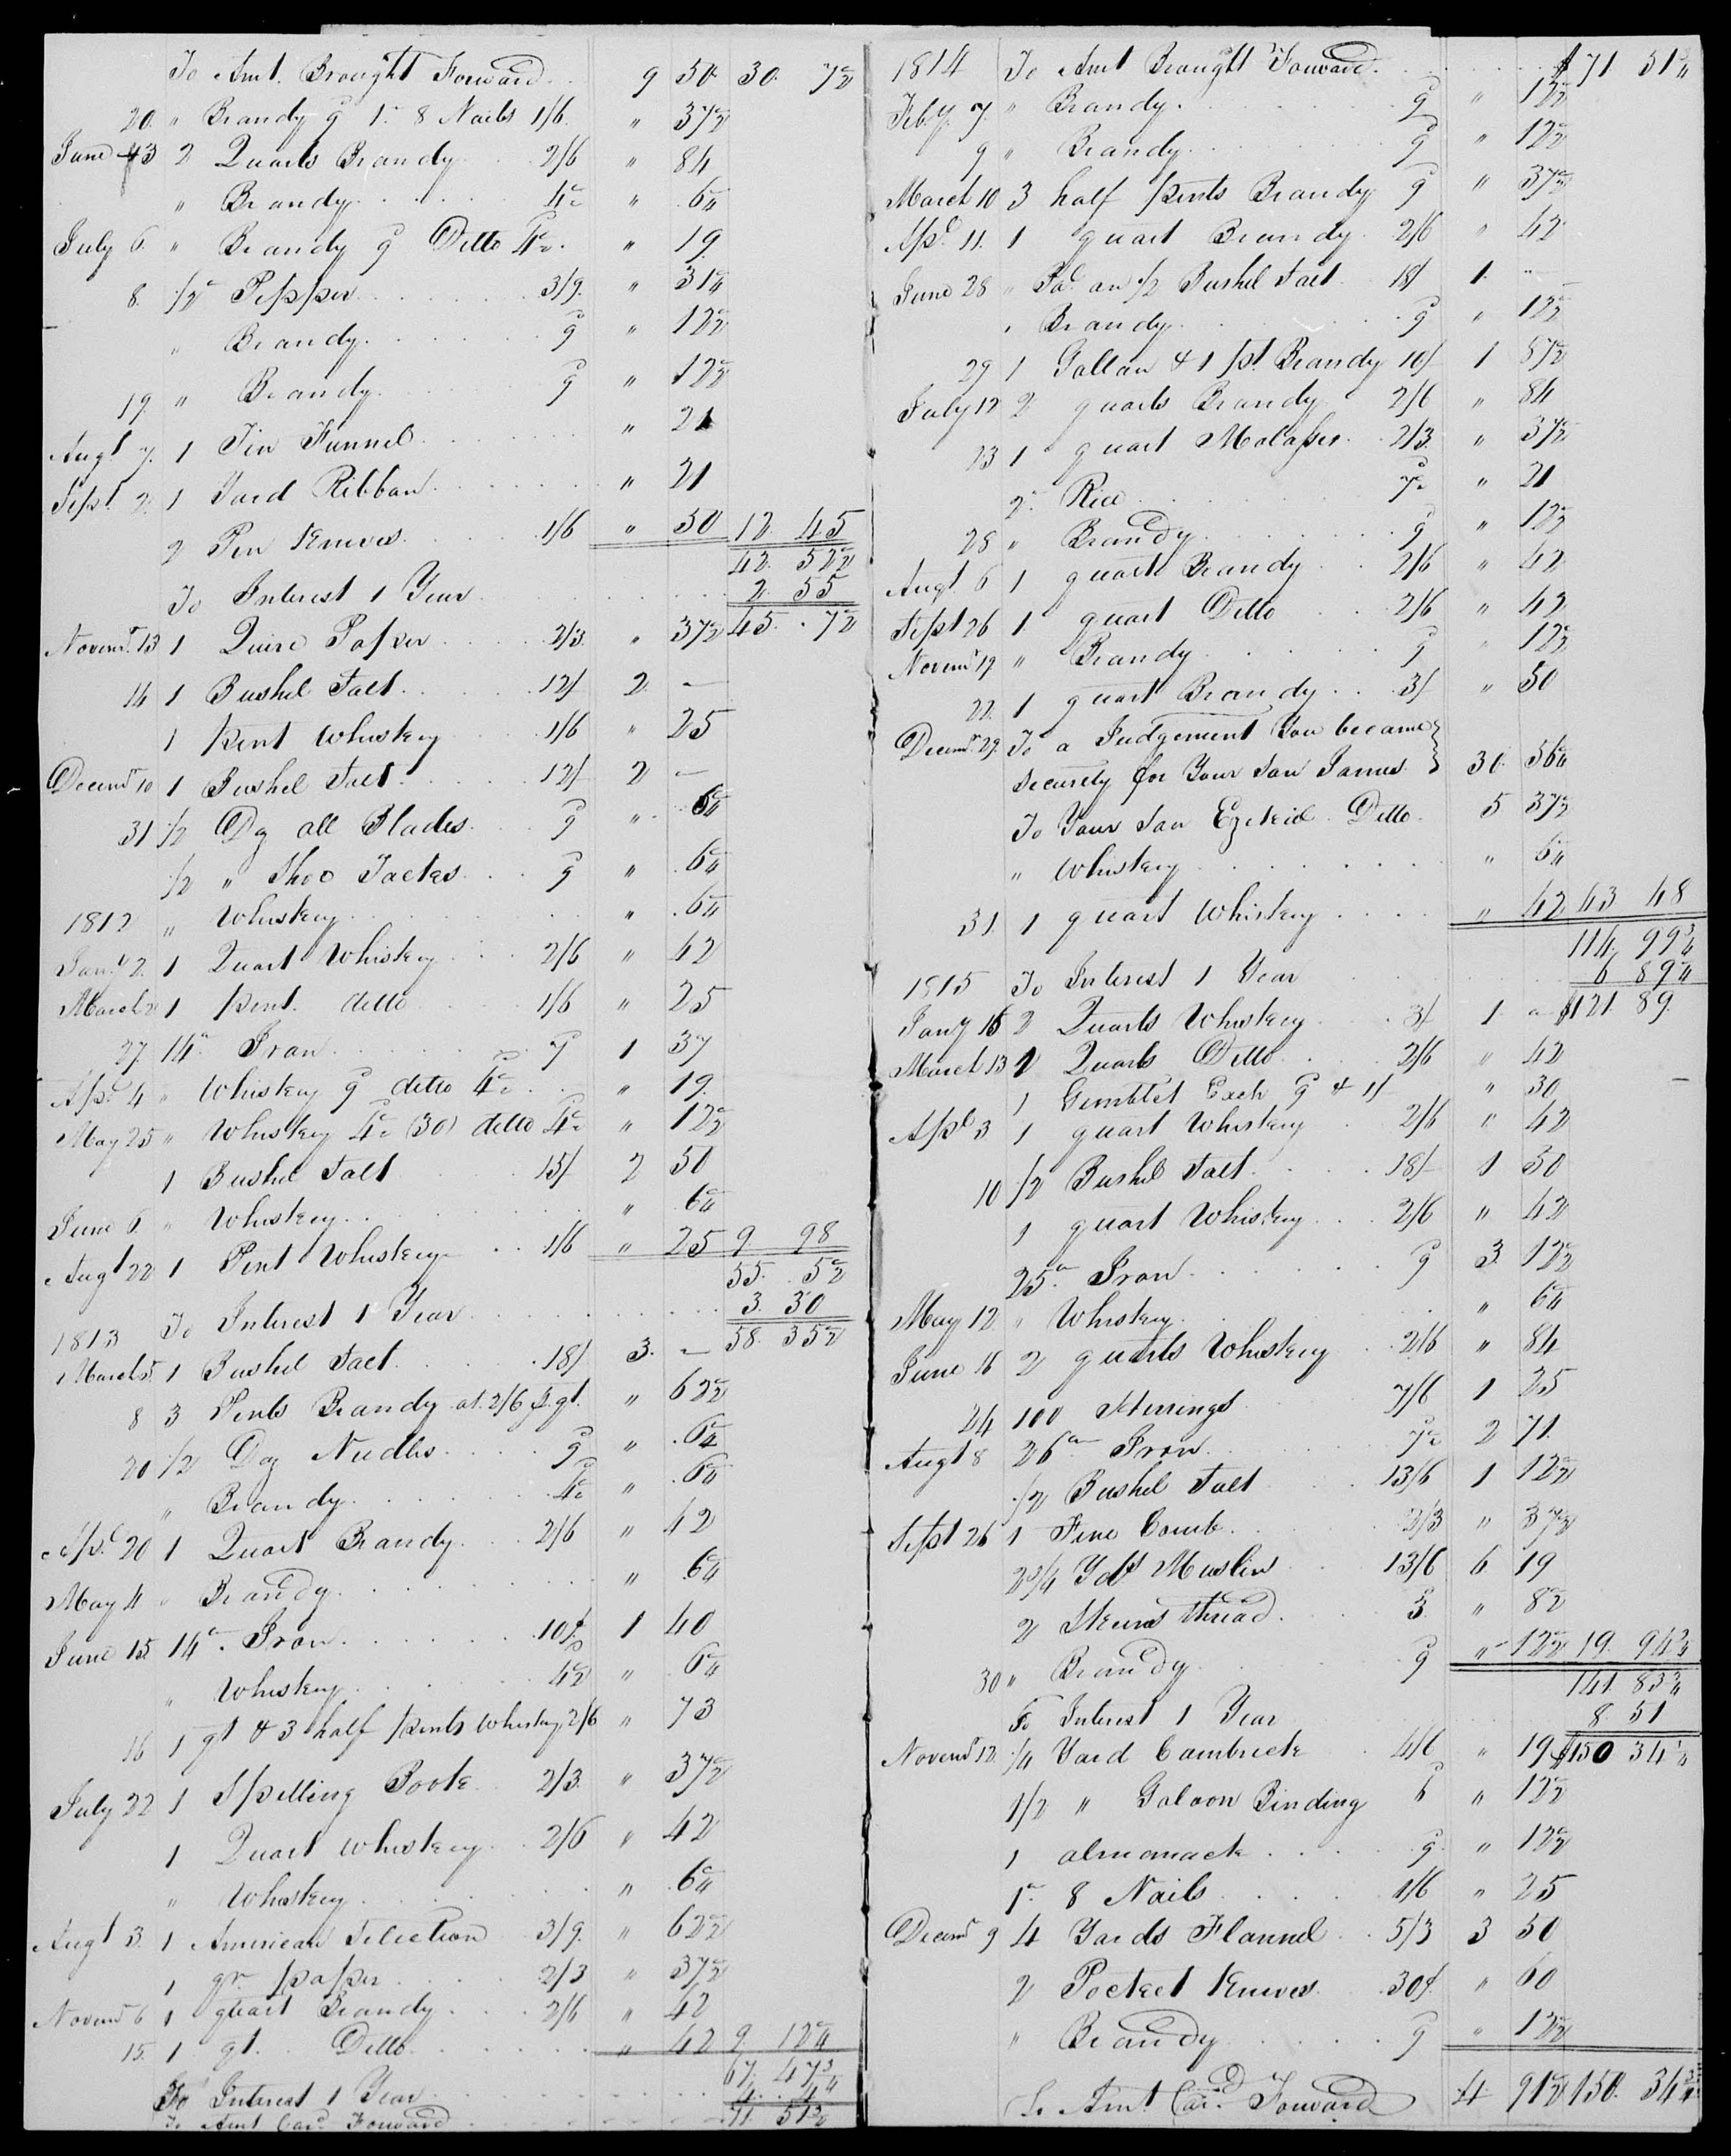Journal style document 
Left side:

To Item 1 brought forward.  9.50  30.   75
20 “ Brandy q 178 nails 1/6. “ 3 1/2
June -3 2 Quarts Brandy 2/6” 84
               “ Brandy q                “ 65
July 6  2 Brandy q Ditto Tr.   “  19
        8. 1/2 Pepper.        3/9.   “ 3 1/4
             “.   Brandy………….9.   “. 125
       19  “   Brandy…………..9.   “ 125
Aug 7.  1 tin Funnel……………..”.   21
Sept. 21. Yard Ribbon…………”.    21
                 Pen 9nubs……..1/6 “   50. 12.45
                                                             ———
                                                             42.52
To interest 1 year…………………………..  2.55
                                                              ====
                                                              45.72
 November 13 1 Quire paper.2/3” 3/12 
                    14 1 Bushel Salt…12/ 2—-
                         1 Pint whiskey. 1/6   “ 25
December.  10 1 Bushel N//A …12/2– 
                     31 1/2Dg all blades. Q “ 60
                          1/2” Shoo tacks.   Q “ 60
1812.                  “ whiskey……………..” .60 2. 1 January quart whiskey…………..2/6 “62
March 20 1 pint ditto.                      1/6 “ 25
            27 16 gran…………………9 1 37
April 4 “ whiskey q ditto 4…….   ” 19
May 25” whiskey 4” 125
             1 bushel salt 15/ 2. 50
June 6 “ Whiskey……..” 64
Aug 22 1 Pint whiskey……1/6 “ 25.  9.98
≠=≠========================= 
                                                           55.52
 1813 to interest 1year…………………….3.30
                                                           58.35
March 5 1 bushel salt………..18/. 3 —
            8. 3pints brandy at 2/6 p.qt   “ 625
            20 /2 doz needles g “ .64

                 /2 “brandy…….4  “ .64
April 20. 1 quart brandy…2/6 “  .64
May 4” brandy……”.64
June 15  14 bushels grain ......10/  1  40
                    whiskey......61/2 " P4
         16 1 qt & 3 half pints whiskey 2'6 " 73
July 22 1 Spilling Port  2/3  "  37 1/2
             1 quart whiskey 2/6 " 42
             " whiskey..............."  64
Aug 3 1 American Selection 3/9 " 62 1/2
           1 gn papers     2/3 " 371/2
November 6  1 quart brandy  2/6 " 42
                  15  1 qt     Ditto  ...............62 9.12 4
                                                        -----------
                                                           67.47  3/6
 To Interest 1 Year                                 6.  4
                                                           -----------
to continue and forward                     71.51 3/4

Right side of document:
1814 To Luiet brought forward......$71.51 3/4
Feby 7 " brandy......q " 175
         9 " Brandy......q  " 175
March 10 3 half pints brandy  q " 375
April 11 1 quart brandy 2/16 " 47
June 25 " Bal and of Bushel 1/2 salt - 18/ 1 ...
              " brandy................q " 175
         29 " 1 GALLON 41 1ST Brandy 16/ 1 5/1/2
July 12 2 quart brandy  2/6 " 86
        13  1  quart Malaper  2/3 " 371/2
         2   Rice  7 " 71
         28 " Brandy....q " 123
August 6 1 quart brandy  ...2/6 " 67
Sept 26 1 quart brandy ....2/6 " 62
November 11" Brandy .....q " 123
                  22 1 quart Brandy.......3/ " 50
December 29 To a judgement now became}
Security for your Ian James}      36.36
To your Ian Ejehid Ditto               5.373
                        " whiskey.....          "    6     
                   31 1 quart whiskey.   62.63  68
                                                =======
                                                  116.99 3/6
1815 To Interest 1 year                  6.89 6
January 16 1 quart whiskey   3/1  1   $121.89
March 13 1 quart ditto. 2/6 “ 42
April 3  1 quart whiskey 2/6 “ 42
         10. /2 Bushel not legible 18/ 1 30
              1 quart whiskey 2/6 “ 42
              25 not legible q 3 173
May 12 “ whiskey “ 66
June 16 2 quarts whiskey 2/6 “ 86
          24  100 hinges  7/6 1 25
August 18 26 not legible 7.2 2 11
              /2 bushel not legible 13/6 1 127
Sept 26 1 fine comb 3/3 “ 372
               2 3/4 Yobs Maulin. 13/6 6 19
               2 burial thread 5 “ 82
          30 “ Brandy q “ 125.                19.943
                                               ============
                                                            144.823/4
To Interest to 1 year.                              8.51
                                                            ========
                                                           $150.34 1/4
November 12 1/4 Vard Cambrich 6/6 “ 19
                        1/2 “ Galoon Binding 6 “ 121/2
                         1  almonach. Q “ 121/2
                         1” 8 nails….1/6 “ 25
December 9  4 yards flannel. 5/3 3. 50
                        2. Pocket knives. 30  “ 60
                       Brandy q “ 12 2
Full amt carried forward.       4. 912 158. 36 3/4
(End of page)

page: 28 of 49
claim: survivor's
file: S. 41513, George Duncan, N.C.